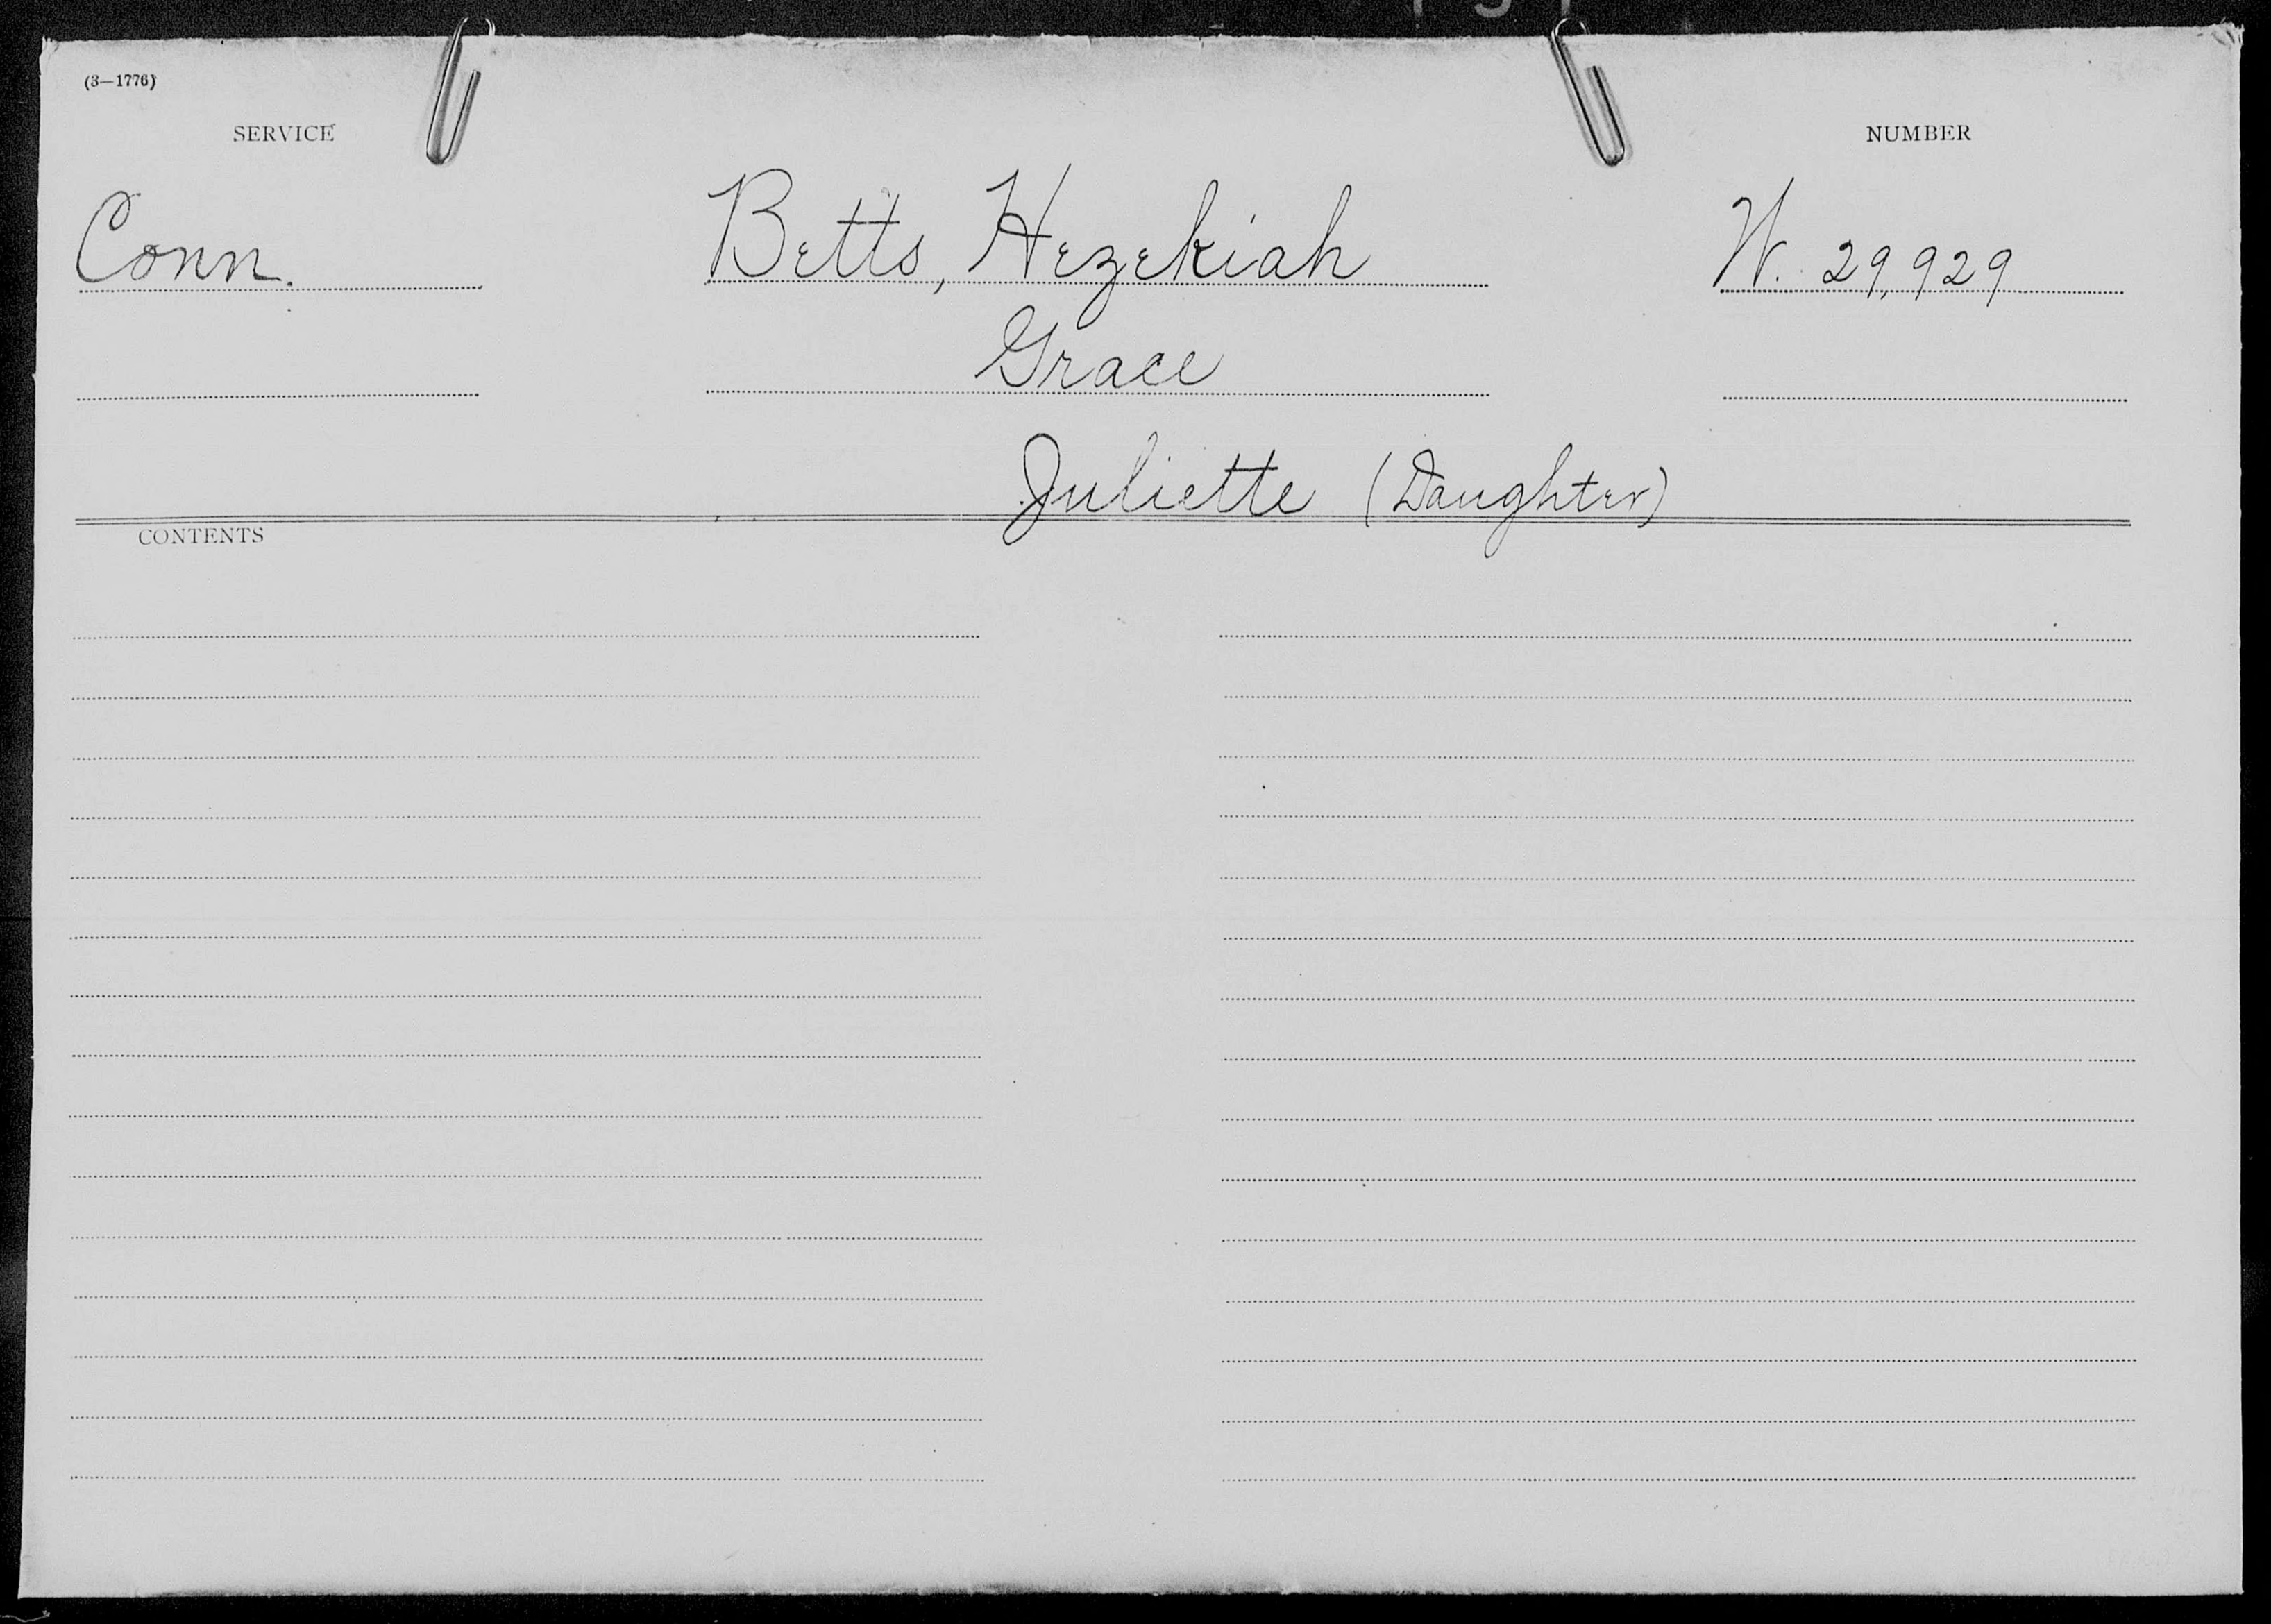Service
Conn. 

Betts, Hezekaih
Grace
Juliette (Daughter)

Number
W. 29929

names: Juliette Betts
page: 1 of 61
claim: widow's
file: W. 29,929, Hezekiah Betts, Conn.